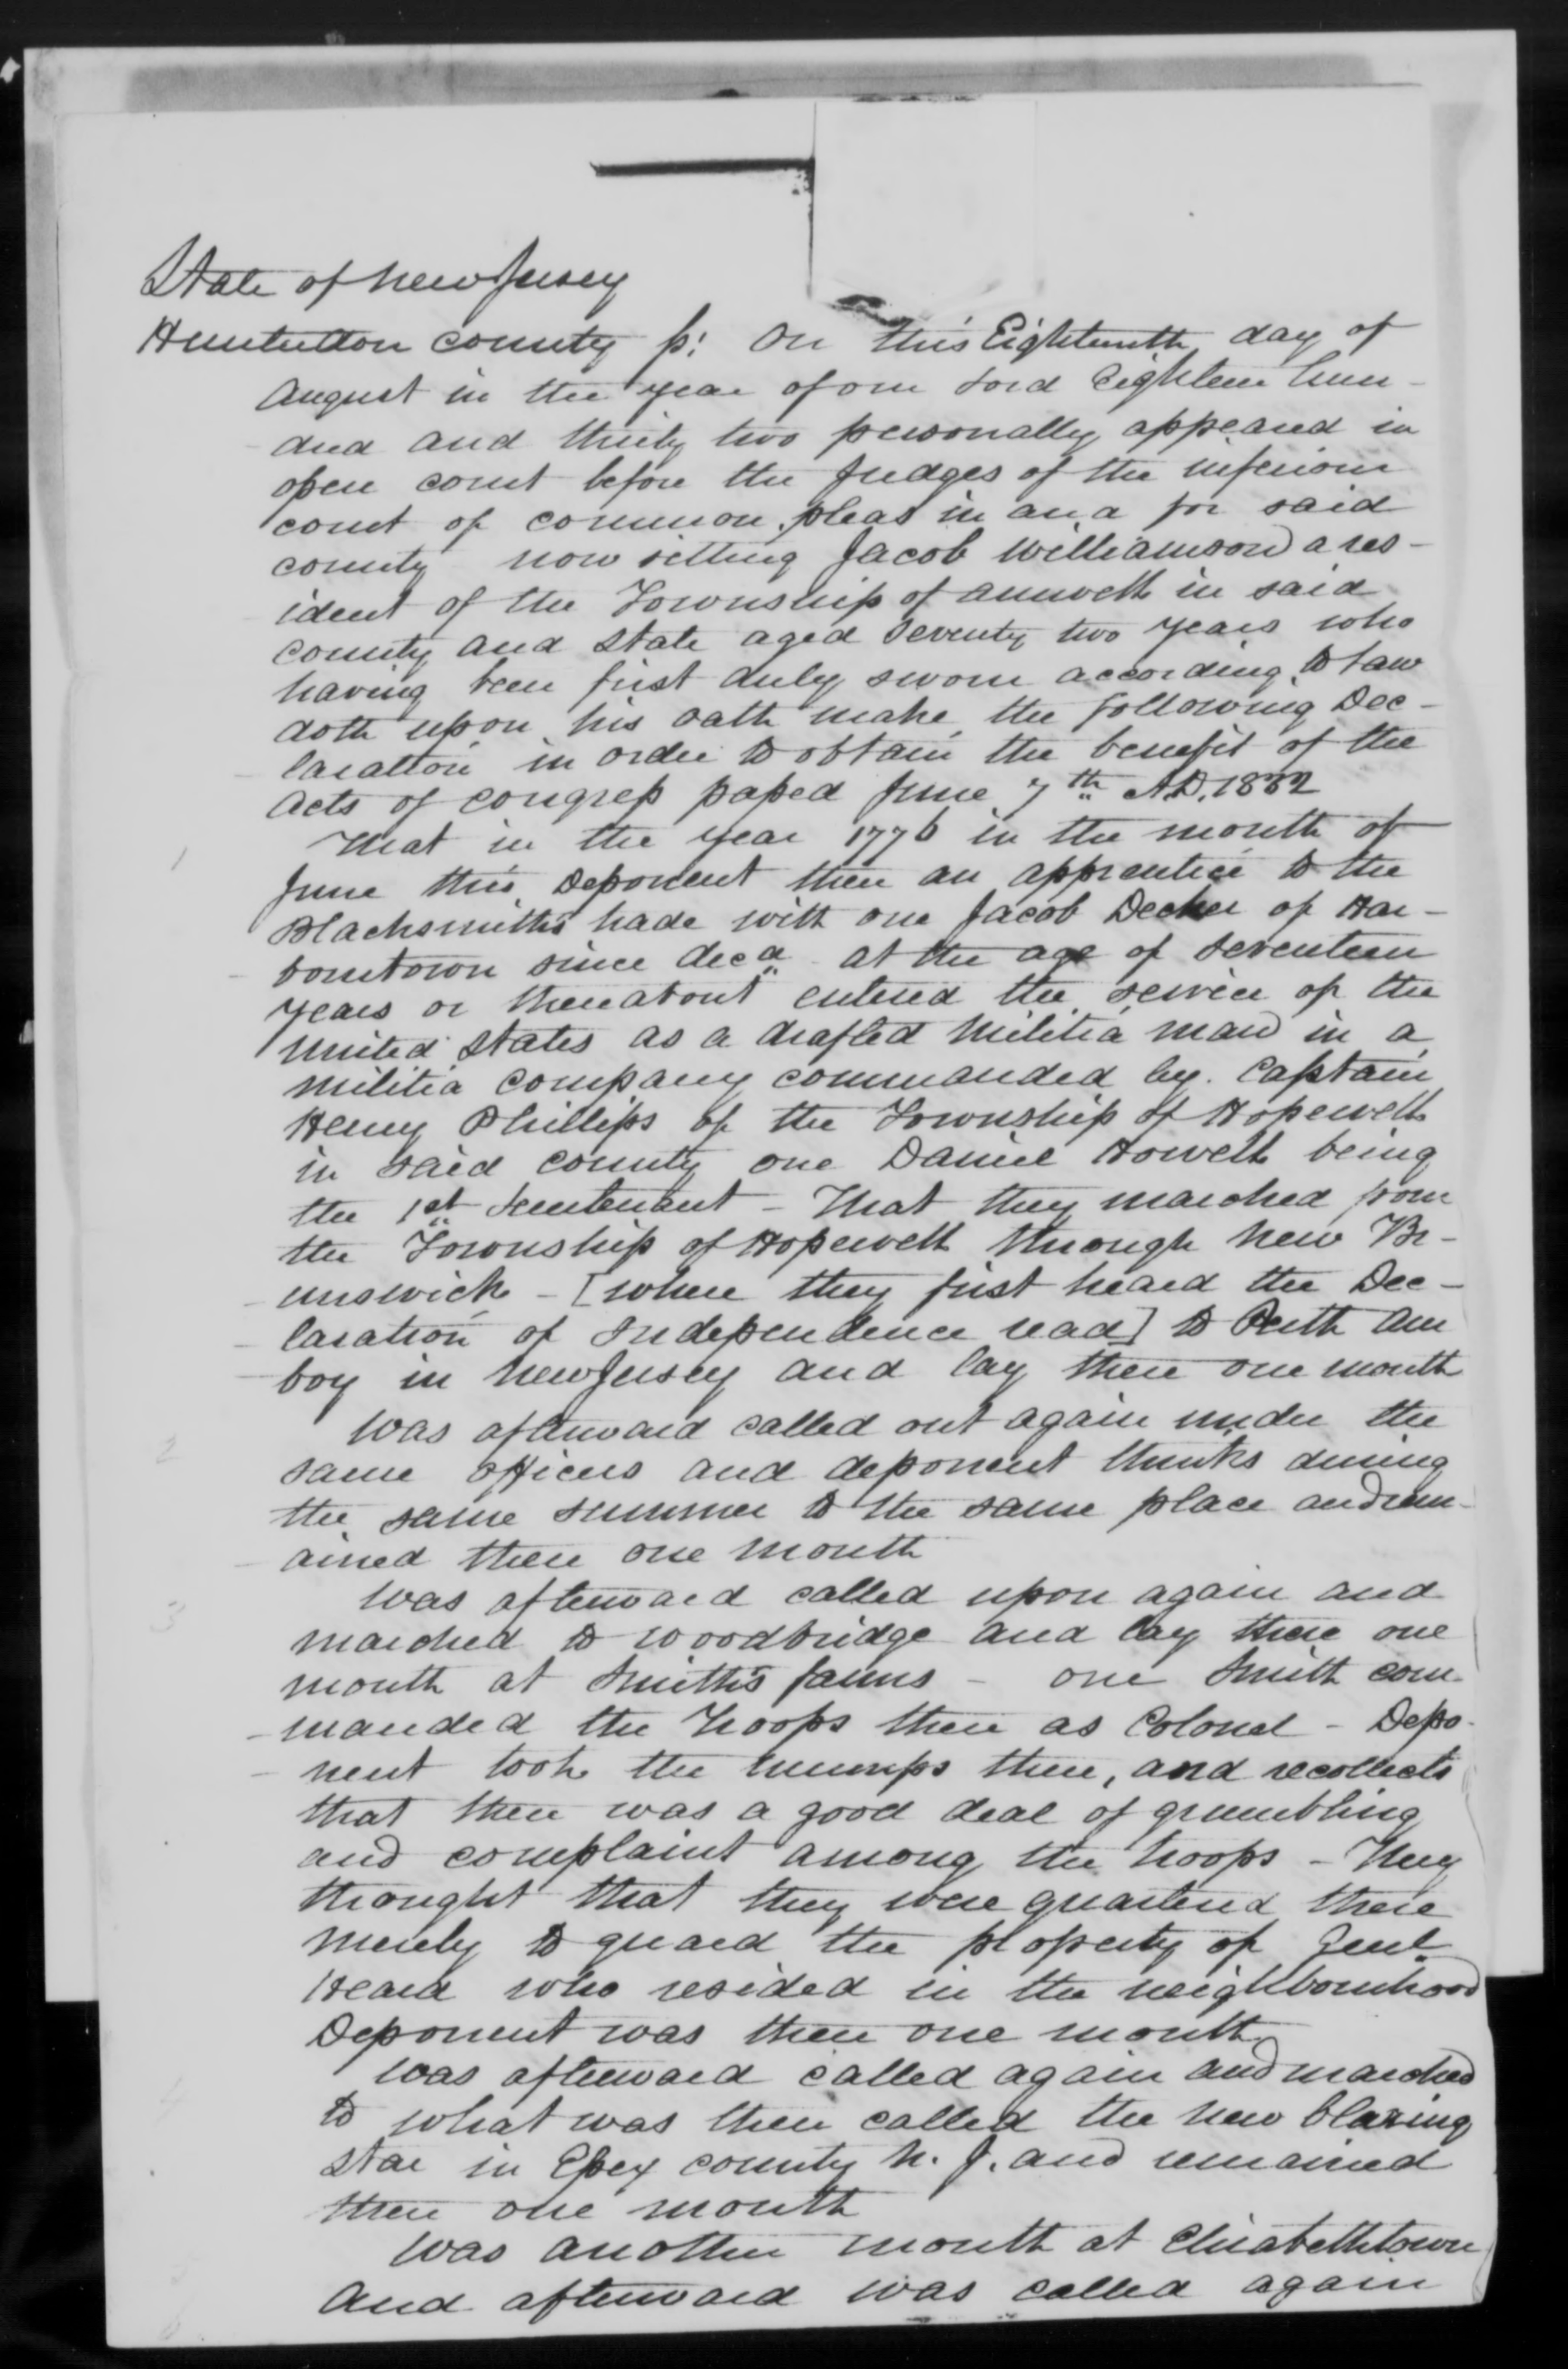State of New Jersey
Hunterdon County
			On this Eighteenth day of
August in the year of our Lord Eighteen hun-
dred and thirty two personally appeared in
open court before the Judges of the inferior
court of common pleas in and for said
county now sitting Jacob Williamson a res-
ident of the Township of Amwell in said
county and state aged seventy two years who
having been first duly sworn according to Law
doth upon his oath make the following Dec-
laration in order to obtain the benefit of the
Acts of Congress passed June 7th A.D. 1832
That in the year 1776 in the month of
June this Deponent then an apprentice to the
Blacksmith’s trade with one Jacob Decker of Har-
bourtown since decd at the age of seventeen
years or thereabout entered the service of the
United States as a drafted militia man in a
militia company commanded by Captain
Henry Phillips of the Township of Hopewell
in said county one David Howell being
the 1st Leiutenant - That they marched from
the Township of Hopewell through New Br-
unswick - [where they first heard the Dec-
laration of Independence read] to Perth Am
boy in New Jersey and lay there one month
Was afterward called upon again and
marched to Woodbridge and lay there one
month at Smith’s farms - one Smith com-
-manded the troops there as Colonel - Depo-
-nent took the {illegible] there, and recollects
that there was a good deal of grumbling
and complaint among the troops - They
thought that they were quartered there
merely to guard the property of Genl
Heard who resided in the neighbourhood
Deponent was there one month
was afterward called again and marched
to what was then called the new blazing
star in Essex county N.J. and remained
there one month
was another month at Elizabethtown
and afterward was called again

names: Jacob Decker, Daniel Howell, Jacob Williamson, Henry Phillips, Heard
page: 13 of 67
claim: widow's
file: W. 2393, Jacob Williamson, New Jersey